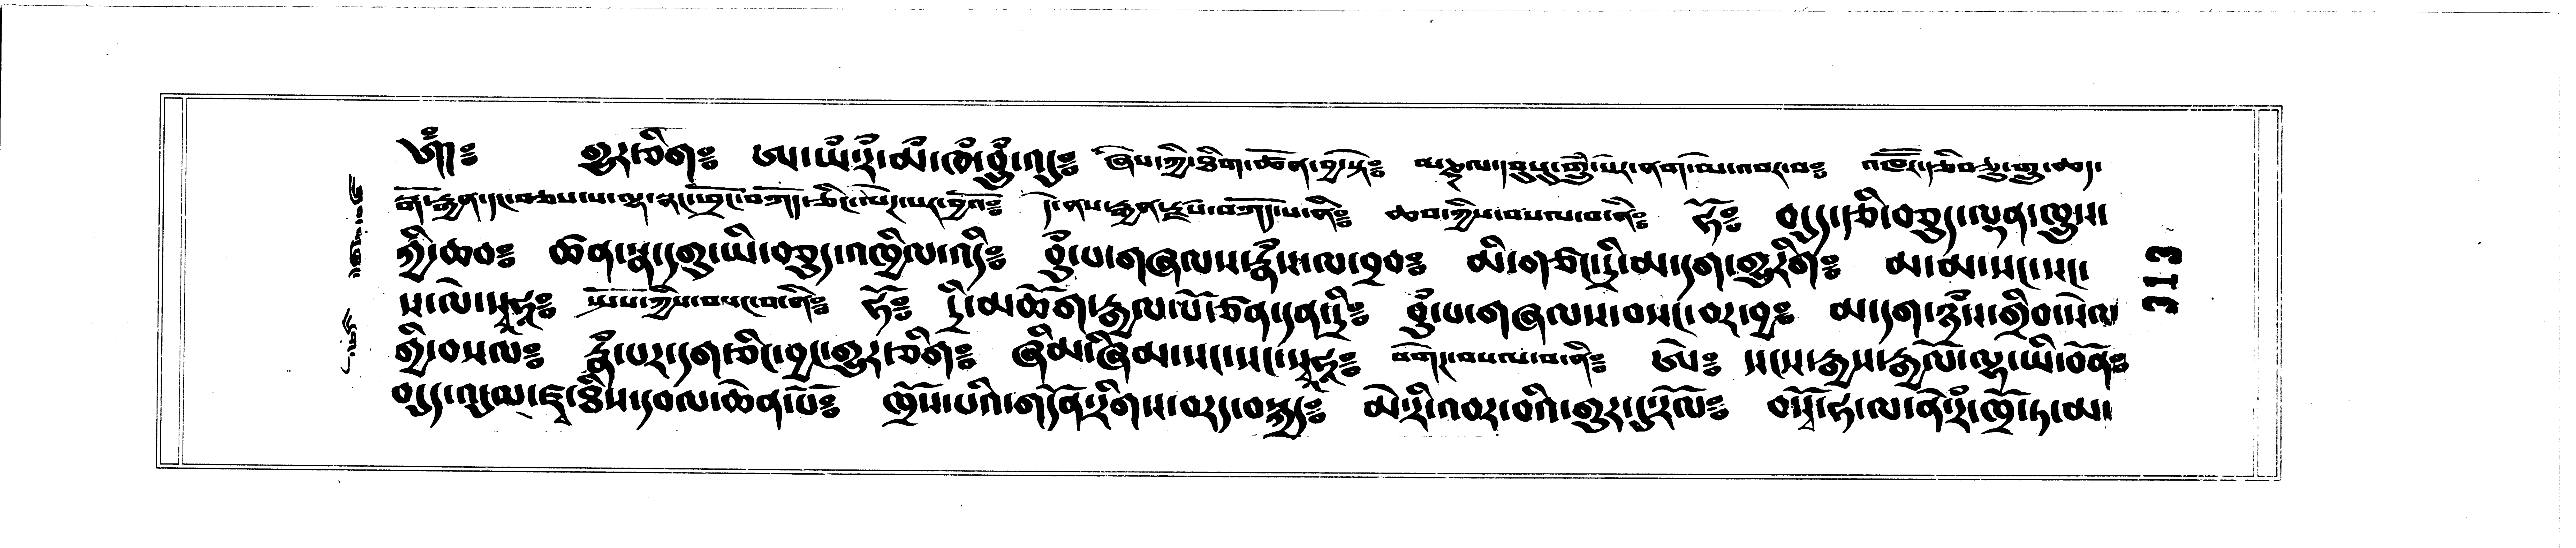གྱུར་ཅིག༔ ཨ་ཡཾ་རཾ་མཾ་ཁཾ་བྲུཾ་འདུ༔ ཞེས་ཀྱི་ཐིག་ཚོན་བྱ་སྟེ༔ མཎྜལ་དབུས་སུ་གྲུ་གསུམ་སེར་ནག་མེ་འབར་བ༔ འཁོར་ལོ་རྩིབས་བཅུ་གྲུ་ཆད་
སྒོ་རྒྱན་དང་བཅས་པ་ལྷ་སྣང་ཕོ་བྲང་བཀོད་ཅིང་ལེགས་པར་བྱའོ༔ དེ་ནས་རྒྱན་རྫས་བཀོད་པ་ནི༔ ཆབ་ཀྱིས་བསལ་བ་ནི༔ ཧོ༔ བདུད་རྩི་བཅུད་ལྡན་ཁྲུས་
ཀྱི་ཆབ༔ ཚན་སྣ་དགུ་ཡི་བཅུད་འཁྱིལ་འདི༔ བུམ་པ་གཞལ་ཡས་རྣམས་ལ་བྲབ༔ མི་གཙང་དྲི་མ་དག་གྱུར་ཅིག༔ མ་མ་སང་སང་
ས་ལེ་སྭཧཱ༔ སྤོས་ཀྱིས་བསང་བ་ནི༔ ཧོ༔ དྲི་མཆོག་རྒྱལ་པོ་ཙན་དན་དྲི༔ བུམ་པ་གཞལ་ཡས་བསང་བར་བྱཿ མ་དག་ཉམས་གྲིབ་སེལ་
གྱིས་བསལ༔ རྣམ་པར་དག་ཅིག་བྱང་གྱུར་ཅིག༔ ཞིམ་ཞིམ་སང་སང་སྭཱཧཱ༔ བགེགས་བསལ་བ་ནི༔ ཨེ༔ སངས་རྒྱས་རྒྱལ་པོ་ལྷ་ཡི་བོནཿ 
བདུད་འདུལ་ཛྭ་ཐིས་དབལ་ཆེན་པོ༔ ཁྲོས་པའི་གདོན་རིགས་བར་ཆད་བསྐྲད༔ མེ་རི་འབར་བའི་གུར་དུ་རོལ༔ བསྭོ་ཧ་ལ་ནེ་རམ་ཁྲོ་ཏ་མ་